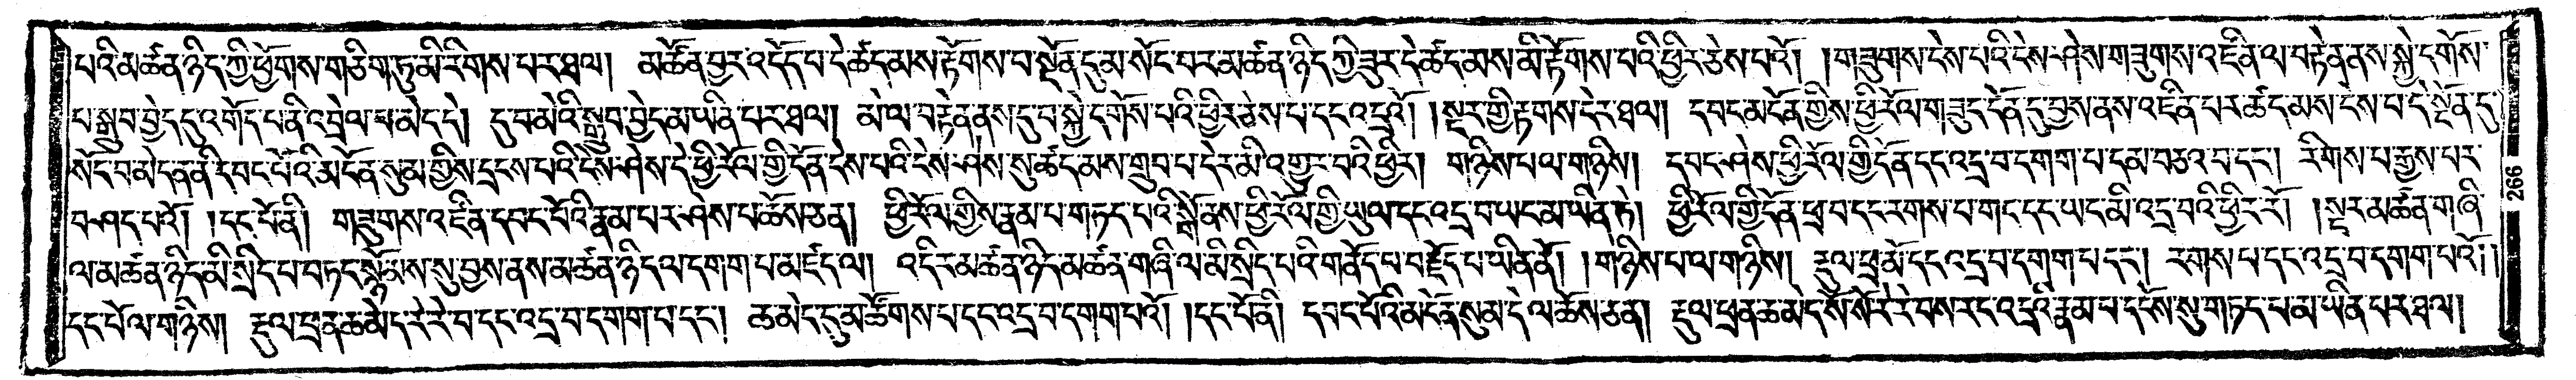པའི་མཚན་ཉིད་ཀྱི་ཕྱོགས་གཅིག་ཏུ་མི་རིགས་པར་ཐལ། མཚོན་བྱར་འདོད་པ་དེ་ཚད་མས་རྟོགས་པ་སྔོན་དུ་མ་སོང་བར་མཚན་ཉིད་ཀྱི་ཟུར་དེ་ཚད་མས་མི་རྟོགས་པའི་ཕྱིར་ཅེས་པའོ། །གཟུགས་ངེས་པའི་ངེས་ཤེས་གཟུགས་འཛིན་ལ་བརྟེན་ནས་སྐྱེ་དགོས་
པ་སྒྲུབ་བྱེད་དུ་འགོད་པ་ནི་འབྲེལ་པ་མེད་དེ། དུ་བ་མེའི་སྒྲུབ་བྱེད་མ་ཡིན་པར་ཐལ། མེ་ལ་བརྟེན་ནས་དུ་བ་སྐྱེ་དགོས་པའི་ཕྱིར་ཅེས་པ་དང་འདྲའོ། །སྔར་གྱི་རྟགས་དེར་ཐལ། དབང་མངོན་གྱིས་ཕྱི་རོལ་གཟུང་དོན་དུ་བྱས་ནས་འཛིན་པར་ཚད་མས་ངེས་པ་དེ་སྔོན་དུ་
སོང་བ་མེད་ན་ནི་དབང་པོའི་མངོན་སུམ་གྱིས་དྲངས་པའི་ངེས་ཤེས་དེ་ཕྱི་རོལ་གྱི་དོན་ངེས་པའི་ངེས་ཤེས་སུ་ཚད་མས་གྲུབ་པ་དེར་མི་འགྱུར་བའི་ཕྱིར། གཉིས་པ་ལ་གཉིས། དབང་ཤེས་ཕྱི་རོལ་གྱི་དོན་དང་འདྲ་བ་དགག་པ་དམ་བཅའ་བ་དང་། རིགས་པ་རྒྱས་པར་
བཤད་པའོ། །དང་པོ་ནི། གཟུགས་འཛིན་དབང་པོའི་རྣམ་པར་ཤེས་པ་ཆོས་ཅན། ཕྱི་རོལ་གྱིས་རྣམ་པ་གཏད་པའི་སྒོ་ནས་ཕྱི་རོལ་གྱི་ཡུལ་དང་འདྲ་བ་ཡང་མ་ཡིན་ཏེ། ཕྱི་རོལ་གྱི་དོན་ཕྲ་བ་དང་རགས་པ་གང་དང་ཡང་མི་འདྲ་བའི་ཕྱིར་རོ། །སྔར་མཚན་གཞི་
ལ་མཚན་ཉིད་མི་སྲིད་པ་བཏང་སྙོམས་སུ་བྱས་ནས་མཚན་ཉིད་ལ་དགག་པ་མཛད་ལ། འདིར་མཚན་ཉིད་མཚན་གཞི་ལ་མི་སྲིད་པའི་གནོད་པ་བརྗོད་པ་ཡིན་ནོ། །གཉིས་པ་ལ་གཉིས། རྡུལ་ཕྲ་མོ་དང་འདྲ་བ་དགག་པ་དང་། རགས་པ་དང་འདྲ་བ་དགག་པའོ། །
དང་པོ་ལ་གཉིས། རྡུལ་ཕྲན་ཆ་མེད་རེ་རེ་བ་དང་འདྲ་བ་དགག་པ་དང་། ཆ་མེད་དུ་མ་ཚོགས་པ་དང་འདྲ་བ་དགག་པའོ། །དང་པོ་ནི། དབང་པོའི་མངོན་སུམ་དེ་ལ་ཆོས་ཅན། རྡུལ་ཕྲན་ཆ་མེད་སོ་སོ་རེ་རེ་བས་རང་འདྲའི་རྣམ་པ་དངོས་སུ་གཏད་པ་མ་ཡིན་པར་ཐལ།